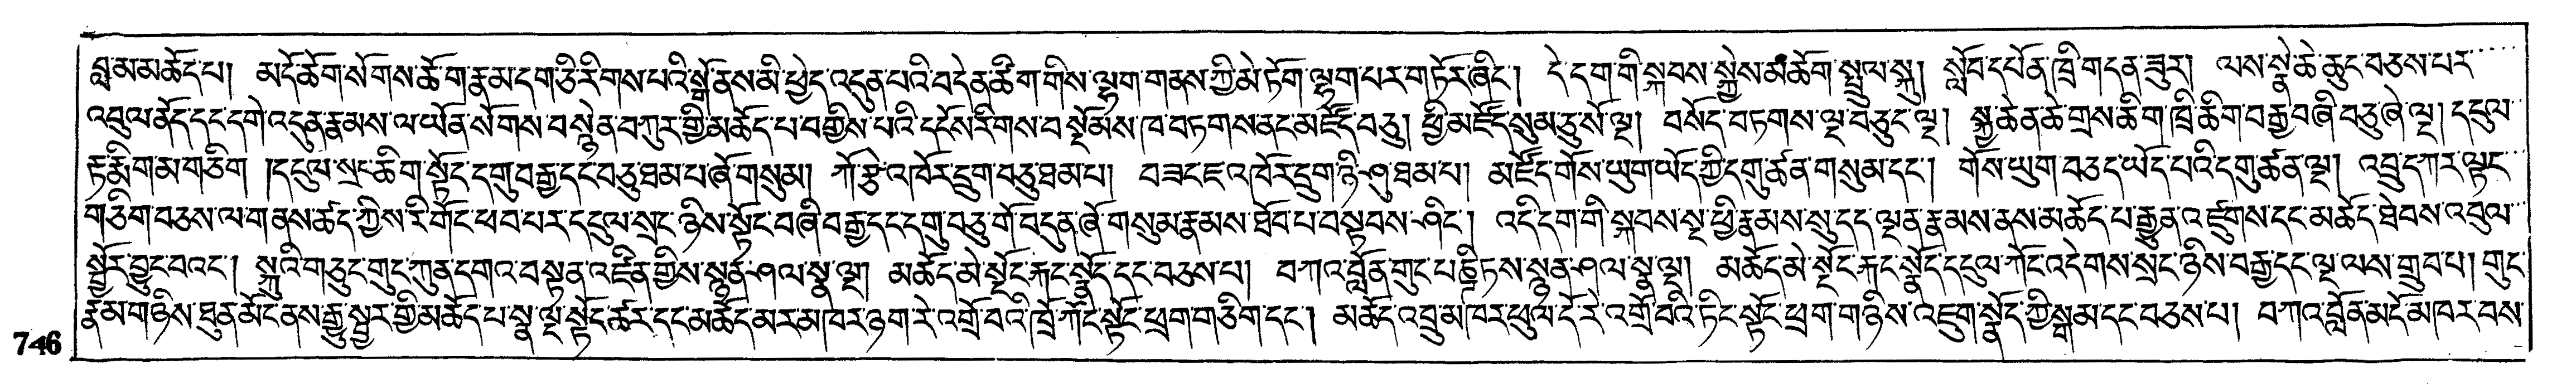བླ་མ་མཆོད་པ། མདོ་ཆོག་སོགས་ཆོ་ག་རྣམ་དག་ཅི་རིགས་པའི་སྒོ་ནས་མི་ཕྱེད་འདུན་པའི་བདེན་ཚིག་གིས་ལྷག་གནས་ཀྱི་མེ་ཏོག་ལྷག་པར་གཏོར་ཞིང་། དེ་དག་གི་སྐབས་སྐྱེས་མཆོག་སྤྲུལ་སྐུ། སློབ་དཔོན་ཁྲི་གདན་ཟུར། ལས་སྣེ་ཆེ་ཆུང་བཅས་པར་
འབུལ་ནོད་དང་དགེ་འདུན་རྣམས་ལ་ཡོན་སོགས་བསྙེན་བཀུར་གྱི་མཆོད་པ་བགྱིས་པའི་དངོས་རིགས་བསྡོམས་ཁ་བཏགས་ནང་མཛོད་བཅུ། ཕྱི་མཛོད་སུམ་ཅུ་སོ་ལྔ། བསོད་བཏགས་ལྔ་བཅུ་ང་ལྔ། སྐྱ་ཆེན་ཆེ་གྲས་ཆིག་ཁྲི་ཆིག་བརྒྱ་བཞི་བཅུ་ཞེ་ལྔ། དངུལ་
རྟ་རྨིག་མ་གཅིག །དངུལ་སྲང་ཆིག་སྟོང་དགུ་བརྒྱ་དང་བཅུ་ཐམ་པ་ཞོ་གསུམ། ཀོ་རྩེ་འཁོར་དྲུག་བཅུ་ཐམ་པ། བཟང་ཇ་འཁོར་དྲུག་ཉི་ཤུ་ཐམ་པ། མཛོད་གོས་ཡུག་ཡོད་ཀྱི་དགུ་ཚན་གསུམ་དང་། གོས་ཡུག་བཅད་ཡོད་པའི་དགུ་ཚན་ལྔ། འབྲུ་དཀར་ལྟང་
གཅིག་བཅས་ལ་གནས་ཚད་ཀྱིས་རི་གོང་ཕབ་པ་ང་དངུལ་སྲང་ཉིས་སྟོང་བཞི་བརྒྱ་དང་དགུ་བཅུ་གོ་བདུན་ཞོ་གསུམ་རྣམས་ཐོག་པ་བསྟབས་ཤིང་། འདི་དག་གི་སྐབས་སྔ་ཕྱི་རྣམས་སུ་དད་ལྡན་རྣམས་ནས་མཆོད་པ་རྒྱུན་འཛུགས་དང་མཆོད་ཐེབས་འབུལ་
སྦྱོར་བྱུང་བའང་། སྐུའི་གཅུང་གུང་ཀུན་དགའ་བསྟན་འཛིན་གྱིས་སྙན་ཤལ་སྣ་ལྔ། མཆོད་མེ་སྡོང་རྐང་སྣོད་དང་བཅས་པ། བཀའ་བློན་གུང་པཎྜི་ཏས་སྙན་ཤལ་སྣ་ལྔ། མཆོད་མེ་སྡོང་རྐང་སྣོད་དངུལ་ཀོང་འདེགས་སྲང་ཉིས་བརྒྱ་དང་ལྔ་ལས་གྲུབ་པ། གུང་
རྣམ་གཉིས་ཐུན་མོང་ནས་རྒྱུ་སྦྱར་གྱི་མཆོད་བ་སྣ་ལྔ་སྟོང་ཚར་དང་མཆོད་མར་མཁར་ཉག་རེ་འགྲོ་བའི་ཁྲོ་ཀོང་སྟོང་ཕྲག་གཅིག་དང་། མཆོད་འབྲུ་མཁར་ཕུལ་དོ་རེ་འགྲོ་བའི་ཏིང་སྟོང་ཕྲག་གཉིས་འཇུག་སྣོད་ཀྱི་སྒམ་དང་བཅས་པ། བཀའ་བློན་མདོ་མཁར་བས་